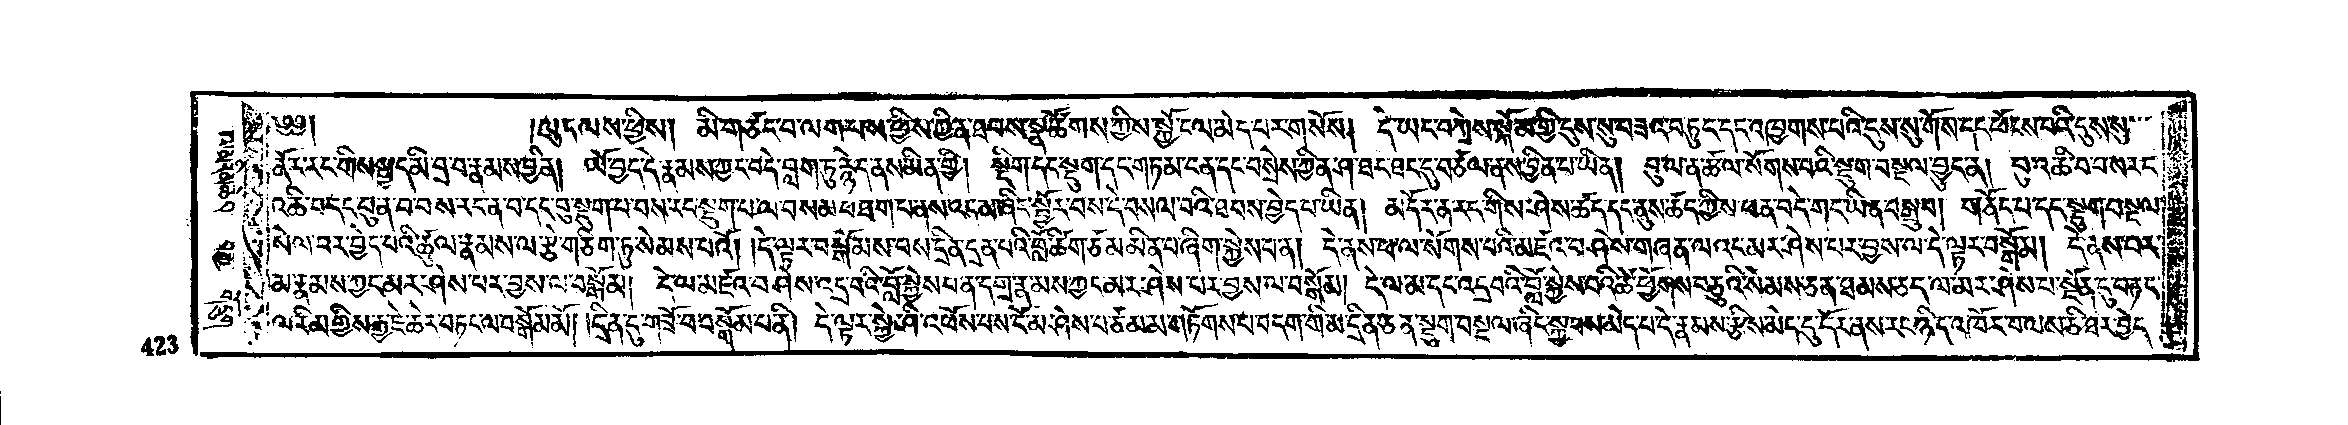༄༅། །ལུད་ཁས་ཕྱིས། མི་གཙང་བ་ལག་པས་ཕྱིས་ཀྱིན་ཐབས་སྣ་ཚོགས་ཀྱིས་སྐྱོ་ངལ་མེད་པར་གསོས། དེ་ཡང་བཀྲེས་སྐོམ་གྱི་དུས་སུ་བཟའ་བཏུང་དང་འཁྱགས་པའི་དུས་སུ་གོས་དང་ཕོངས་པའི་དུས་སུ་
ནོར་རང་གིས་སྤྱད་མི་བྲ་བ་རྣམས་བྱིན། ཡོ་བྱད་དེ་རྣམས་ཀྱང་བདེ་བླག་ཏུ་རྙེད་ནས་མིན་གྱི། སྡིག་དང་སྡུག་དང་གཏམ་ངན་དང་བསྲེས་ཀྱིན་ཤ་ཐང་ཐང་དུ་བཙལ་ནས་བྱིན་པ་ཡིན། བུ་ལ་ན་ཚ་ལ་སོགས་པའི་སྡུག་བསྔལ་བྱུང་ན། བུ་འཆི་བ་བས་རང་
འཆི་བ་དང་བུ་ན་བ་བས་རང་ན་བ་དང་བུ་སྡུག་པ་བས་རང་སྡུག་པ་ལ་བསམ་པ་ཐག་པ་ནས་འདམ་ཞིང་སྦྱོར་བས་དེ་བསལ་བའི་ཐབས་བྱེད་པ་ཡིན། མདོར་ན་རང་གིས་ཤེས་ཚད་དང་ནུས་ཚད་ཀྱིས་ཕན་བདེ་གང་ཡིན་བསྒྲུབ། གནོད་པ་དང་སྡུག་བསྔལ་
སེལ་བར་བྱེད་པའི་ཚུལ་རྣམས་ལ་རྩེ་གཅིག་ཏུ་སེམས་པའོ། །དེ་ལྟར་བསྒོམས་པས་དྲིན་དྲན་པའི་བློ་ཚིག་ཙམ་མིན་པ་ཞིག་སྐྱེས་པ་ན། དེ་ནས་ཕ་ལ་སོགས་པའི་མཛའ་བཤེས་གཞན་ལའང་མར་ཤེས་པར་བྱས་ལ་དེ་ལྟར་བསྒོམ། དེ་ནས་བར་
མ་རྣམས་ཀྱང་མར་ཤེས་པར་བྱས་ལ་བསྒོམ། དེ་ལ་མཛའ་བཤེས་འདྲ་བའི་བློ་སྐྱེས་པ་ན་དགྲ་རྣམས་ཀྱང་མར་ཤེས་པར་བྱས་ལ་བསྒོམ། དེ་ལ་མ་དང་འདྲ་བའི་བློ་སྐྱེས་པའི་ཚེ་ཕྱོགས་བཅུའི་སེམས་ཅན་ཐམས་ཅད་ལ་མར་ཤེས་པ་སྔོན་དུ་བཏང་
ལ་རིམ་གྱིས་རྒྱ་ཇེ་ཆེར་བཏང་ལ་བསྒོམ་མོ། །དྲིན་དུ་གཟོ་བ་བསྒོམ་པ་ནི། དེ་ལྟར་སྐྱེ་ཤི་འཕོས་པས་ངོ་མ་ཤེས་པ་ཙམ་མ་གཏོགས་པ་བདག་གི་མ་དྲིན་ཅན་སྡུག་བསྔལ་ཞིང་སྐྱབས་མེད་པ་དེ་རྣམས་རྩིས་མེད་དུ་དོར་ནས་རང་ཉིད་འཁོར་བ་ལས་ཅི་ཐར་བྱེད་